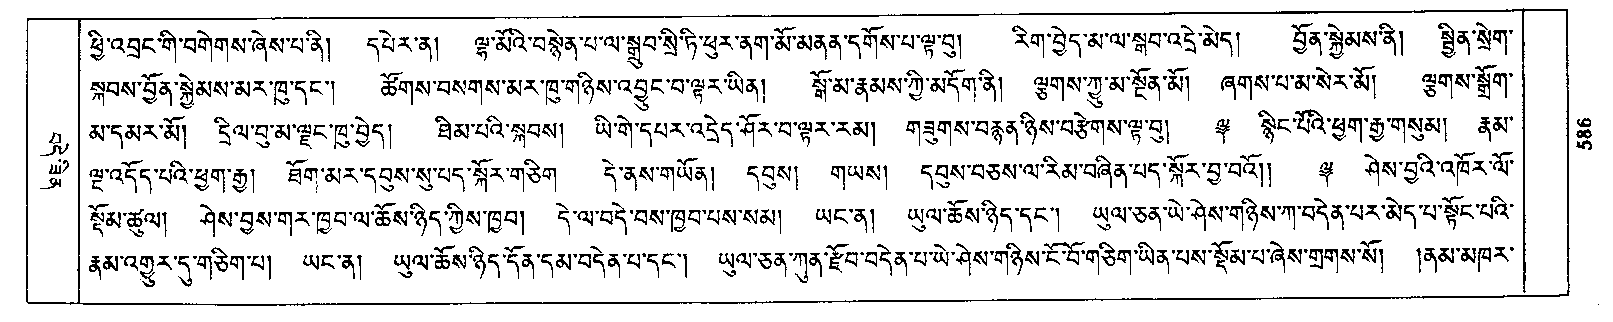ཕྱི་འབྲང་གི་བགེགས་ཞེས་པ་ནི། དཔེར་ན། ལྷ་མོའི་བསྙེན་པ་ལ་སྒྲུབ་སྲི་ཏི་ཕུར་ནག་མོ་མནན་དགོས་པ་ལྟ་བུ། རིག་བྱེད་མ་ལ་སྒབ་འདྲེ་མེད། བྱོན་སྐྱེམས་ནི། སྦྱིན་སྲེག་
སྐབས་བྱོན་སྐྱེམས་མར་ཁུ་དང་། ཚོགས་བསགས་མར་ཁུ་གཉིས་འབྱུང་བ་ལྟར་ཡིན། སྒོ་མ་རྣམས་ཀྱི་མདོག་ནི། ལྕགས་ཀྱུ་མ་སྔོན་མོ། ཞགས་པ་མ་སེར་མོ། ལྕགས་སྒྲོག་
མ་དམར་མོ། དྲིལ་བུ་མ་ལྗང་ཁུ་བྱེད། ཐིམ་པའི་སྐབས། ཡི་གེ་དཔར་འདྲེད་ཤོར་བ་ལྟར་རམ། གཟུགས་བརྙན་ཉིས་བརྩེགས་ལྟ་བུ། ༈ སྙིང་པོའི་ཕྱག་རྒྱ་གསུམ། རྣམ་
ལྔ་འདོད་པའི་ཕྱག་རྒྱ། ཐོག་མར་དབུས་སུ་པད་སྐོར་གཅིག་དེ་ནས་གཡོན། དབུས། གཡས། དབུས་བཅས་ལ་རིམ་བཞིན་པད་སྐོར་བྱ་བའོ།། ༈ ཤེས་བྱའི་འཁོར་ལོ་
སྡོམ་ཚུལ། ཤེས་བྱས་གར་ཁྱབ་ལ་ཆོས་ཉིད་ཀྱིས་ཁྱབ། དེ་ལ་བདེ་བས་ཁྱབ་པས་སམ། ཡང་ན། ཡུལ་ཆོས་ཉིད་དང་། ཡུལ་ཅན་ཡེ་ཤེས་གཉིས་ཀ་བདེན་པར་མེད་པ་སྟོང་པའི་
རྣམ་འགྱུར་དུ་གཅིག་པ། ཡང་ན། ཡུལ་ཆོས་ཉིད་དོན་དམ་བདེན་པ་དང་། ཡུལ་ཅན་ཀུན་རྫོབ་བདེན་པ་ཡེ་ཤེས་གཉིས་ངོ་བོ་གཅིག་ཡིན་པས་སྡོམ་པ་ཞེས་གྲགས་སོ། །ནམ་མཁར་